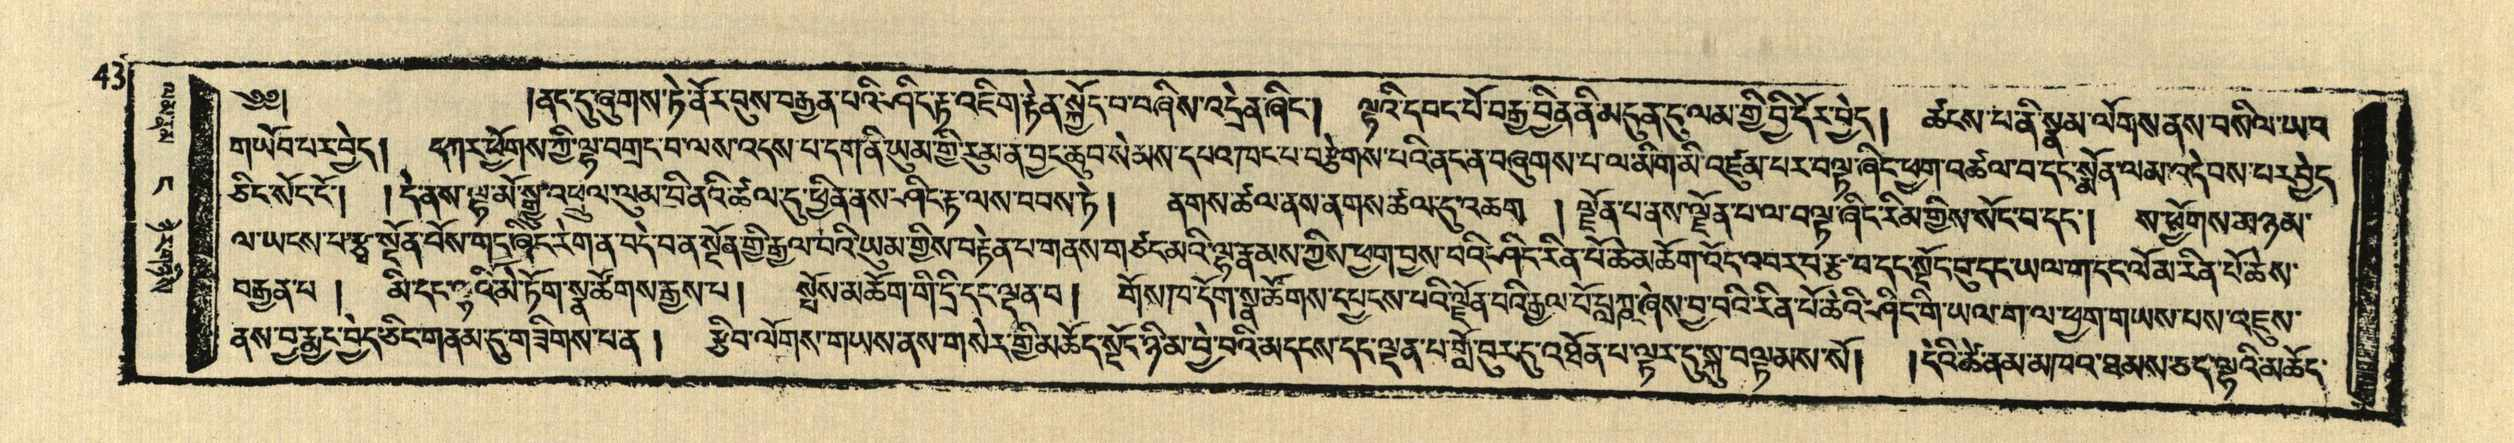༄༅། །ནང་དུ་ཞུགས་ཏེ་ནོར་བུས་བརྒྱན་པའི་ཤིང་རྟ་འཇིག་རྟེན་སྐྱོང་བ་བཞིས་འདྲེན་ཞིང་། ལྷའི་དབང་པོ་བརྒྱ་བྱིན་ནི་མདུན་དུ་ལམ་གྱི་བྱི་དོར་བྱེད། ཚངས་པ་ནི་སྣམ་ལོགས་ནས་བསིལ་ཡབ་
གཡོབ་པར་བྱེད། དཀར་ཕྱོགས་ཀྱི་ལྷ་བགྲང་བ་ལས་འདས་པ་དག་ནི་ཡུམ་གྱི་རུམ་ན་བྱང་ཆུབ་སེམས་དཔའ་ཁང་པ་བརྩེགས་པའི་ནང་ན་བཞུགས་པ་ལ་མིག་མི་འཛུམ་པར་བལྟ་ཞིང་ཕྱག་འཚལ་བ་དང་སྨོན་ལམ་འདེབས་པར་བྱེད་
ཅིང་སོང་ངོ། །དེ་ནས་ལྷ་མོ་སྒྱུ་འཕྲུལ་ལུམ་བི་ནའི་ཚལ་དུ་ཕྱིན་ནས་ཤིང་རྟ་ལས་བབས་ཏེ། ནགས་ཚལ་ནས་ནགས་ཚལ་དུ་འཆག། ལྗོན་པ་ནས་ལྗོན་པ་ལ་བལྟ་ཞིང་རིམ་གྱིས་སོང་བ་དང་། ས་ཕྱོགས་མཉམ་
ལ་ཡངས་པ་རྩྭ་སྔོན་བོས་གང་ཞིང་རེག་ན་བདེ་བ་ན་སྔོན་གྱི་རྒྱལ་བའི་ཡུམ་གྱིས་བརྟེན་པ་གནས་གཙང་མའི་ལྷ་རྣམས་ཀྱིས་ཕྱག་བྱས་བའི་ཤིང་རིན་པོ་ཆེ་མཆོག་འོད་འབར་བ་རྩ་བ་དང་སྡོང་བུ་དང་ཡལ་ག་དང་ལོ་མ་རིན་པོ་ཆེས་
བརྒྱན་པ། མི་དང་ལྷའི་མེ་ཏོག་སྣ་ཚོགས་རྒྱས་པ། སྤོས་མཆོག་གི་དྲི་དང་ལྡན་བ། གོས་ཁ་དོག་སྣ་ཚོགས་དཔྱངས་པའི་ལྗོན་པའི་རྒྱལ་པོ་པླཀྵ་ཞེས་བྱ་བའི་རིན་པོ་ཆེའི་ཤིང་གི་ཡལ་ག་ལ་ཕྱག་གཡས་པས་འཇུས་
ནས་བྱ་རྨྱང་བྱེད་ཅིང་གནམ་དུ་གཟིགས་པ་ན། རྩིབ་ལོགས་གཡས་ནས་གསེར་གྱི་མཆོད་སྡོང་ཉི་མ་བྱེ་བའི་མདངས་དང་ལྡན་པ་གློ་བུར་དུ་འཐོན་པ་ལྟར་དུ་སྐུ་བལྟམས་སོ། །དེའི་ཚེ་ནམ་མཁའ་ཐམས་ཅད་ལྷའི་མཆོད་